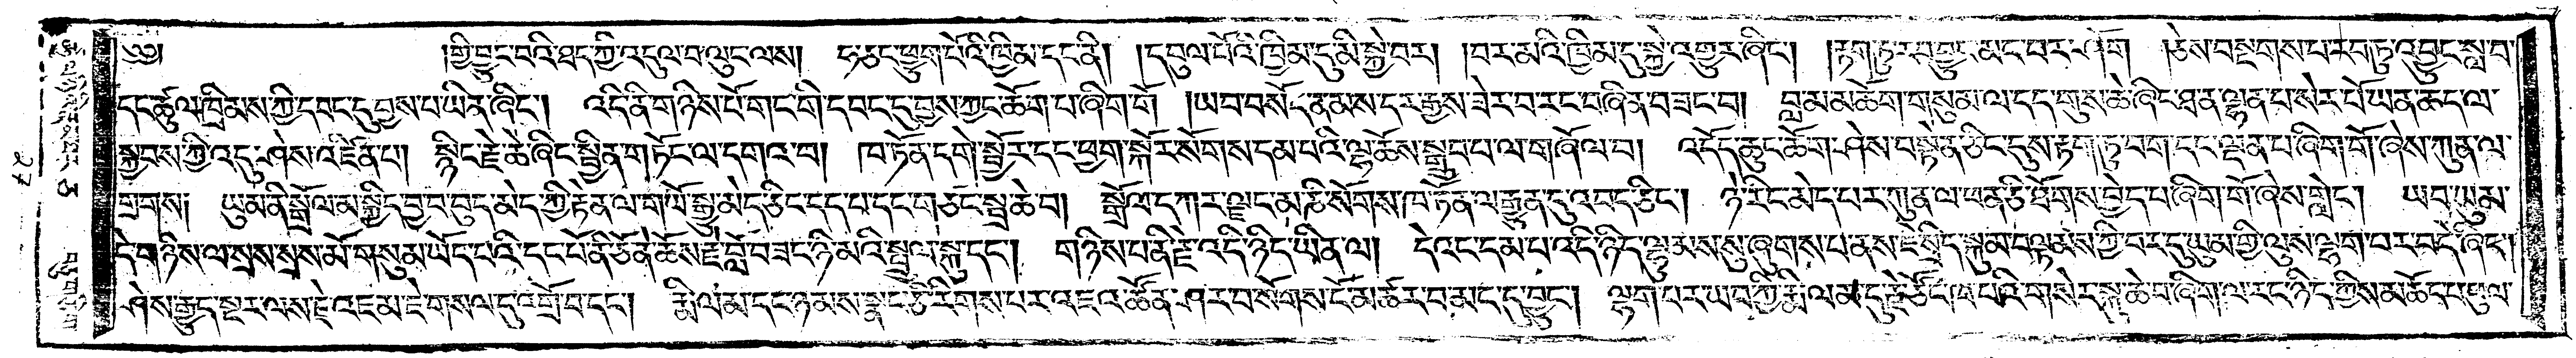༄༅། །གྱི་བྱུང་བའི་ཐད་ཀྱི་འདུལ་བ་ལུང་ལས། ཧ་ཅང་ཕྱུག་པོའི་ཁྱིམ་དང་ནི། །དབུལ་པོའི་ཁྱིམ་དུ་མི་སྐྱེ་བར། །བར་མའི་ཁྱིམ་དུ་སྐྱེ་འགྱུར་ཞིང་། །རྟག་ཏུ་རབ་བྱུང་མང་བར་ཤོག །ཅེས་བསྔགས་པ་རབ་ཏུ་འབྱུང་སླབ་
དང་ཚུལ་ཁྲིམས་ཀྱི་དབང་དུ་བྱས་པ་ཡིན་ཞིང་། འདི་ནི་གཉིས་པོ་གང་གི་དབང་དུ་བྱས་ཀྱང་ཆོག་པ་ཞིག་གོ །ཡབ་བསོད་ནམས་དར་རྒྱས་ཟེར་བ་རང་བཞིན་བཟང་བ། བླ་མ་མཆོག་གསུམ་ལ་དད་གུས་ཆེ་ཞིང་ཐ་ན་ལྷན་པ་སེར་པོ་ཡན་ཆད་ལ་
སྐྱབས་ཀྱི་འདུ་ཤེས་འཛིན་པ། སྙིང་རྗེ་ཆེ་ཞིང་སྦྱིན་གཏོང་ལ་དགའ་བ། ཁ་ཏོན་དགེ་སྦྱོར་དང་ཕྱག་སྐོར་སོགས་དམ་བའི་ལྷ་ཆོས་སྒྲུབ་པ་ལ་གཞོལ་བ། འདོད་ཆུང་ཆོག་ཤེས་བསྟེན་ཅིང་དུས་རྟག་ཏུ་བག་དང་ལྡན་པ་ཞིག་གོ་ཞེས་ཀུན་ལ་
གྲགས༑ ཡུམ་ནི་སྒྲོལ་མ་སྐྱིད་བྱ་བ་བུད་མེད་ཀྱི་རྟེན་ལ་གཡོ་སྒྱུ་མེད་ཅིང་དད་པ་དང་གཙང་སྦྲ་ཆེ་བ། སྒྲོལ་དཀར་ལྗང་མ་ཎི་སོགས་ཁ་ཏོན་ལ་རྒྱུན་དུ་འབད་ཅིང་། ཉེ་རིང་མེད་པར་ཀུན་ལ་ཕན་ཅི་ཐོགས་བྱེད་པ་ཞིག་གོ་ཞེས་གླེང་། ཡབ་ཡུམ་
དེ་གཉིས་ལ་སྲས་སྲས་མོ་གསུམ་ཡོད་པའི་དང་པོ་ནི་ཅོ་ནེ་ཆོས་རྗེ་བློ་བཟང་ཉི་མའི་སྤྲུལ་སྐུ་དང་། གཉིས་པ་ནི་རྗེ་འདི་ཉིད་ཡིན་ལ། དེའང་དམ་པ་འདི་ཉིད་ལྷུམས་སུ་ཞུགས་པ་ནས་ཇི་སྲིད་སྐུམ་བལྟམས་ཀྱི་བར་དུ་ཡུམ་གྱི་ལུས་ལྷག་པར་བདེ་ཞིང་།
ཤེས་རྒྱུད་སྔར་ལས་ཇེ་འཇམ་ཇེ་གསལ་དུ་འགྲོ་བ་དང་། རྨི་ལམ་དང་ཉམས་སྣང་ཅི་རིགས་པར་འཇའ་ཚོན་ཤར་བ་སོགས་ངོ་མཚར་བ་མང་དུ་བྱུང་། ལྷག་པར་ཡབ་ཀྱི་རྨི་ལམ་དུ་རྗེ་ཙོང་ཁ་བའི་གསེར་སྐུ་ཆེ་བ་ཞིག་ལ་རང་ཉིད་ཀྱིས་མཆོད་བ་ཕུལ་